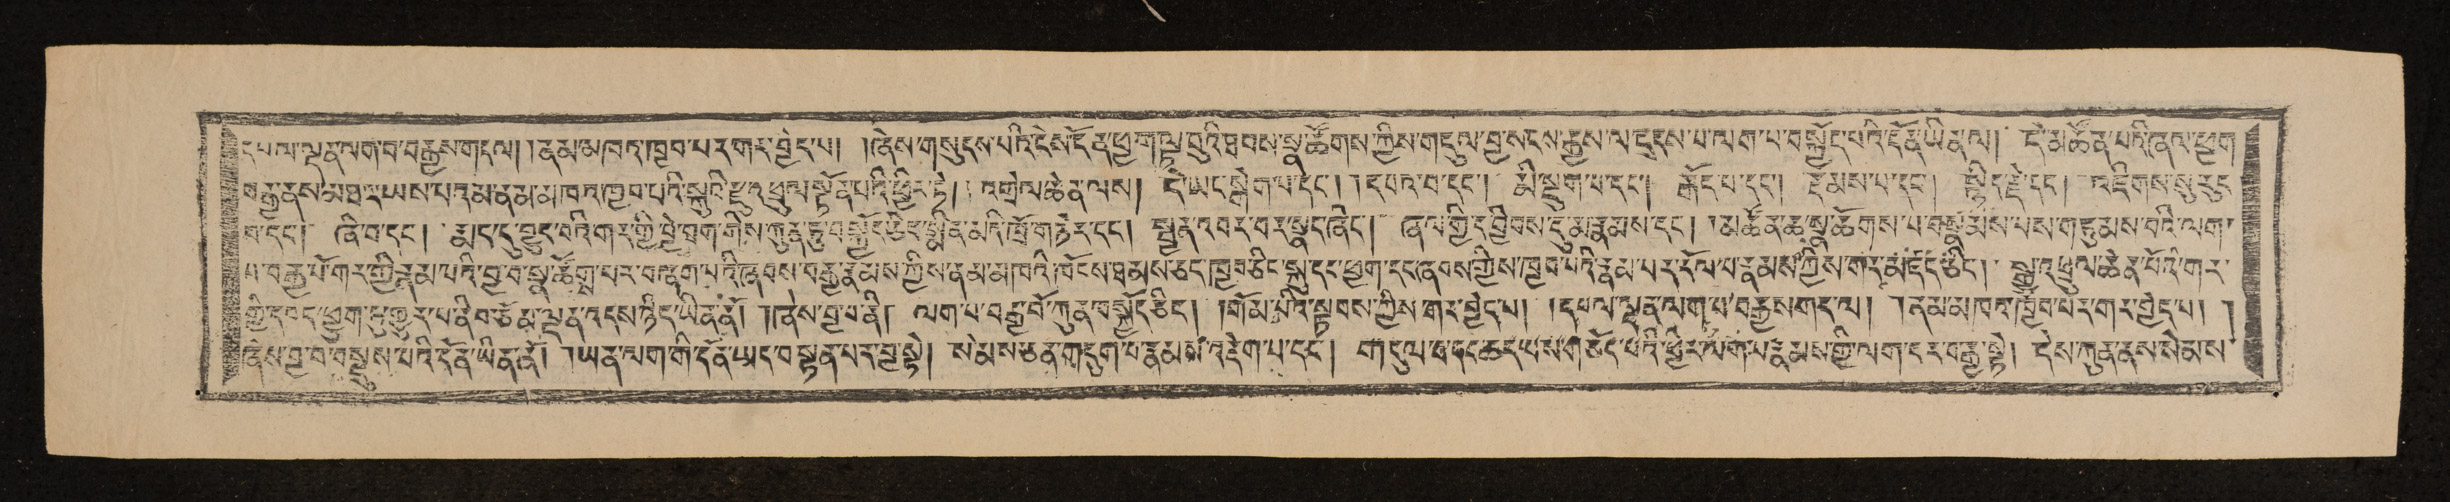དཔལ་ལྡན་ལག་པ་བརྒྱས་གང་ལ། །ནམ་མཁའ་ཁྱབ་པར་གར་བྱེད་པ། །ཞེས་གསུངས་པའི་ངེས་དོན་ཕྱག་ལྟ་བུའི་ཐབས་སྣ་ཚོགས་ཀྱིས་གདུལ་བྱ་སངས་རྒྱས་ལ་དྲངས་པ་ལག་པ་བསྐྱོད་པའི་དོན་ཡིན་ལ། དེ་མཚོན་པའི་ཞལ་ཕྱག་
བརྒྱ་ནས་མཐའ་ཡས་པའམ་ནམ་མཁའ་ཁྱབ་པའི་སྐུའི་རྫུ་འཕྲུལ་སྟོན་པའི་ཕྱིར་ཏེ། འགྲེལ་ཆེན་ལས། དེ་ཡང་སྒེག་པ་དང་། དཔའ་བ་དང་། མི་སྡུག་པ་དང་། རྒོད་པ་དང་། རྔམས་པ་དང་། སྙིང་རྗེ་དང་། འཇིགས་སུ་རུང་
བ་དང་། ཞི་བ་དང་། རྨད་དུ་བྱུང་བའི་གར་གྱི་བྱེ་བྲག་གིས་ཀུན་ཏུ་བསྐྱོད་ཅིང་སྨིན་མའི་ཁྲོ་གཉེར་དང་། སྤྱན་འབར་བར་སྣང་ཞིང་། ཞལ་གྱི་དབྱིབས་དུ་མ་རྣམས་དང་། མཚོན་ཆ་སྣ་ཚོགས་པ་བསྣམས་པས་གཏུམས་པའི་ལག་
པ་བརྒྱ་པོ་གར་གྱི་རྣམ་པའི་བྱ་བ་སྣ་ཚོགས་པར་བཞག་པའི་ཞབས་བརྒྱ་རྣམས་ཀྱིས་ནམ་མཁའི་ཁོངས་ཐམས་ཅད་ཁྱབ་ཅིང་སྐུ་དང་ཕྱག་དང་ཞབས་ཀྱིས་ཁྱབ་པའི་རྣམ་པར་རོལ་པ་རྣམས་ཀྱིས་གར་མཛད་ཅིང་། སྒྱུ་འཕྲུལ་ཆེན་པོའི་གར་
གྱི་དབང་ཕྱུག་ཏུ་གྱུར་བ་ནི་བཅོམ་ལྡན་འདས་ཉིད་ཡིན་ནོ། །ཞེས་བྱ་བ་ནི། ལག་པ་བརྒྱ་པོ་ཀུན་བསྐྱོད་ཅིང་། །གོམ་པའི་སྟབས་ཀྱིས་གར་བྱེད་པ། །དཔལ་ལྡན་ལག་པ་བརྒྱས་གང་ལ། །ནམ་མཁའ་ཁྱབ་པར་གར་བྱེད་པ། །
ཞེས་བྱ་བ་བསྡུས་པའི་དོན་ཡིན་ནོ། །ཡན་ལག་གི་དོན་ཡང་བསྟན་པར་བྱ་སྟེ། སེམས་ཅན་གདུག་པ་རྣམས་བརྡེག་པ་དང་། གདུལ་བ་དང་ཆད་པས་གཅོད་པའི་ཕྱིར་ལག་པ་རྣམས་ཀྱི་ལག་ངར་བརྒྱ་སྟེ། དེས་ཀུན་ནས་སེམས་